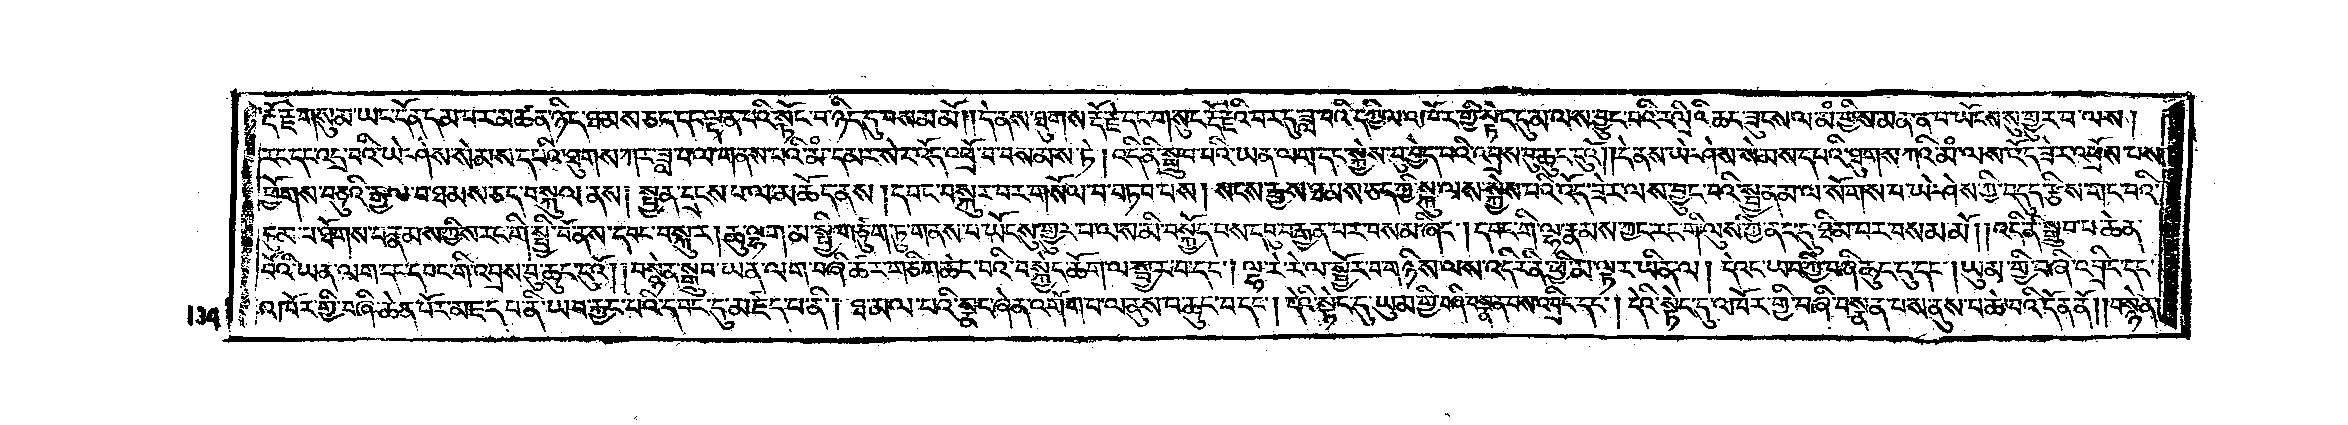རྡོ་རྗེ་གསུམ་ཡང་དོན་དམ་པར་མཚན་ཉིད་ཐམས་ཅད་དང་ལྡན་པའི་སྟོང་པ་ཉིད་དུ་བསམ་མོ། །དེ་ནས་ཐུགས་རྡོ་རྗེ་དང་གསུང་རྡོ་རྗེའི་བར་དུ་ཟླ་བའི་དཀྱིལ་འཁོར་གྱི་སྟེང་དུ་མཾ་ལས་བྱུང་བའི་རལ་བྲི་ཆད་ཟུངས་ལ་མཾ་གྱིས་མཚན་པ་ཡོངས་སུ་གྱུར་པ་ལས།
རང་དང་འདྲ་བའི་ཡེ་ཤེས་སེམས་དཔའི་ཐུགས་ཀར་ཟླ་བ་ལ་གནས་པའི་མཾ་དམར་སེར་འོད་འཕྲོ་བ་བསམས་ཏེ། འདི་ནི་སྒྲུབ་པའི་ཡན་ལག་དང་སྐྱེས་བུ་བྱེད་པའི་འབྲས་བུ་ཆུང་ངུའོ། །དེ་ནས་ཡེ་ཤེས་སེམས་དཔའི་ཐུགས་ཀའི་མཾ་ལས་འོད་ཟེར་འཕྲོས་པས་
ཕྱོགས་བཅུའི་རྒྱལ་བ་ཐམས་ཅད་བསྐུལ་ནས། སྤྱན་དྲངས་པ་ལ་མཆོད་ནས། དབང་བསྐུར་བར་གསོལ་བ་བཏབ་པས། སངས་རྒྱས་ཐམས་ཅད་ཀྱི་སྐུ་ལས་སྐྱེས་པའི་འོད་ཟེར་ལས་བྱུང་བའི་སྤྱན་མ་ལ་སོགས་པ་ཡེ་ཤེས་ཀྱི་བདུད་རྩིས་གང་བའི་
བུམ་པ་ཐོགས་པ་རྣམས་ཀྱིས་རང་གི་སྤྱི་བོ་ནས་དབང་བསྐུར། ཆུ་ལྷག་མ་སྤྱི་གཙུག་ཏུ་གནས་པ་ཡོངས་སུ་གྱུར་པ་ལས་མི་བསྐྱོད་པས་དབུ་བརྒྱན་པར་བསམ་ཞིང་། དབང་གི་ལྷ་རྣམས་ཀྱང་རང་གི་ལུས་ཀྱི་ནང་དུ་ཐིམ་པར་བསམ་མོ། །འདི་ནི་སྒྲུབ་པ་ཆེན་
པོའི་ཡན་ལག་དང་དབང་གི་འབྲས་བུ་ཆུང་ངུའོ། །བསྙེན་སྒྲུབ་ཡན་ལག་བཞི་ཚར་གཅིག་ཆེང་བའི་བསྐྱེད་ཆོག་ལ་སྦྱར་བ་དང་། ལྷ་རེ་རེ་ལ་སྦྱོར་བ་གཉིས་ལས་འདིར་ནི་ཕྱི་མ་ལྟར་ཡིན་ལ། དེའང་ཡབ་ཀྱི་བཞི་ཆུང་ངུ་དང་། ཡུམ་གྱི་བཞི་འབྲིང་དང་
འཁོར་གྱི་བཞི་ཆེན་པོར་མཛད་པ་ནི་ཡབ་རྐྱང་པའི་དབང་དུ་མཛད་པ་ནི། ཐ་མལ་པའི་སྣང་ཞེན་འགོག་པ་ལ་ནུས་པ་ཆུང་བ་དང་། དེའི་སྟེང་དུ་ཡུམ་གྱི་བཞི་བསྣན་པས་འབྲིང་དང་། དེའི་སྟེང་དུ་འཁོར་གྱི་བཞི་བསྣན་པས་ནུས་པ་ཆེ་བའི་དོན་ནོ། །བསྙེན་